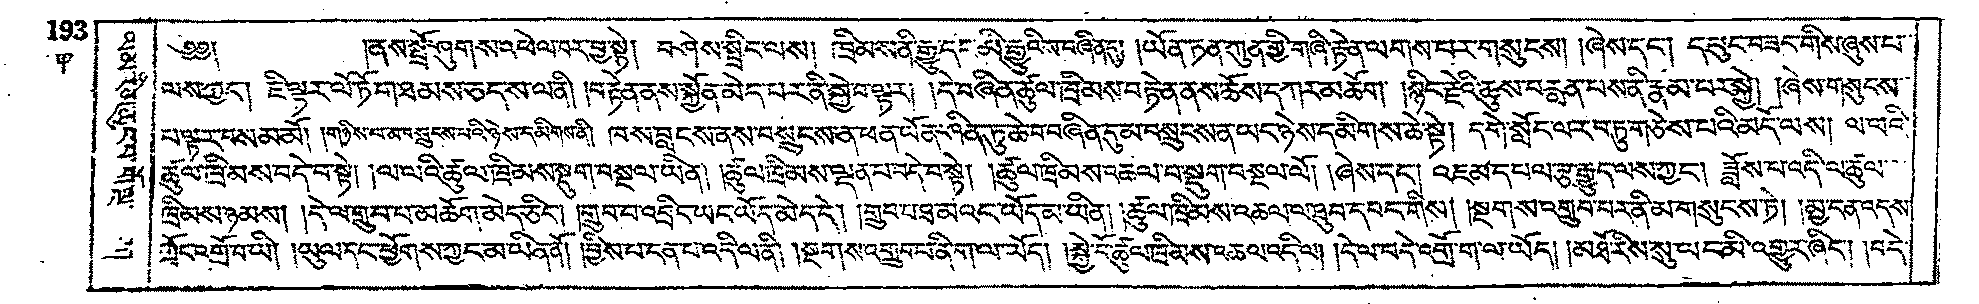༄༅། །ནས་སྤྲོ་ཤུགས་འཕེལ་བར་བྱ་སྟེ། བཤེས་སྤྲིང་ལས། ཁྲིམས་ནི་རྒྱུ་དང་མི་རྒྱུའི་ས་བཞིན་དུ། །ཡོན་ཏན་ཀུན་གྱི་གཞི་རྟེན་ལགས་པར་གསུངས། །ཞེས་དང་། དཔུང་བཟང་གིས་ཞུས་པ་
ལས་ཀྱང་། ཇི་ལྟར་ལོ་ཏོག་ཐམས་ཅད་ས་ལ་ནི། །བརྟེན་ནས་སྐྱོན་མེད་པར་ནི་སྐྱེ་བ་ལྟར། །དེ་བཞིན་ཚུལ་ཁྲིམས་བརྟེན་ནས་ཆོས་དཀར་མཆོག །སྙིང་རྗེའི་ཆུས་བརླན་པས་ནི་རྣམ་པར་སྐྱེ། །ཞེས་གསུངས་
པ་ལྟར་བསམ་མོ། །གཉིས་པ་མ་བསྲུངས་པའི་ཉེས་དམིགས་ནི།  ཁས་བླངས་ནས་བསྲུངས་ན་ཕན་ཡོན་ཤིན་ཏུ་ཆེ་བ་བཞིན་དུ་མ་བསྲུངས་ན་ཡང་ཉེས་དམིགས་ཆེ་སྟེ། དགེ་སློང་ལ་རབ་ཏུ་གཅེས་པའི་མདོ་ལས། ལ་ལའི་
ཚུལ་ཁྲིམས་བདེ་བ་སྟེ། །ལ་ལའི་ཚུལ་ཁྲིམས་སྡུག་བསྔལ་ཡིན། །ཚུལ་ཁྲིམས་ལྡན་པ་བདེ་བ་སྟེ། །ཚུལ་ཁྲིམས་འཆལ་བ་སྡུག་བསྔལ་ལོ། །ཞེས་དང་། འཇམ་དཔལ་རྩ་རྒྱུད་ལས་ཀྱང་། ཟློས་པ་འདི་ལ་ཚུལ་
ཁྲིམས་ཉམས། །དེ་ལ་གྲུབ་པ་མཆོག་མེད་ཅིང་། །གྲུབ་པ་འབྲིང་ཡང་ཡོད་མེད་དེ། །གྲུབ་པ་ཐ་མའང་ཡོད་མ་ཡིན། །ཚུལ་ཁྲིམས་འཆལ་ལ་ཐུབ་དབང་གིས། །སྔགས་འགྲུབ་པར་ནི་མ་གསུངས་ཏེ། །མྱ་ངན་འདས་
གྲོང་འགྲོ་བ་ཡི། །ཡུལ་དང་ཕྱོགས་ཀྱང་མ་ཡིན་ནོ། །བྱིས་པ་ངན་པ་འདི་ལ་ནི། །སྔགས་འགྲུབ་པ་ནི་གལ་ཡོད། །སྐྱེ་བོ་ཚུལ་ཁྲིམས་འཆལ་འདི་ལ། །དེ་ལ་བདེ་འགྲོ་ག་ལ་ཡོད། །མཐོ་རིས་སུ་ཡང་མི་འགྱུར་ཞིང་། །བདེ་